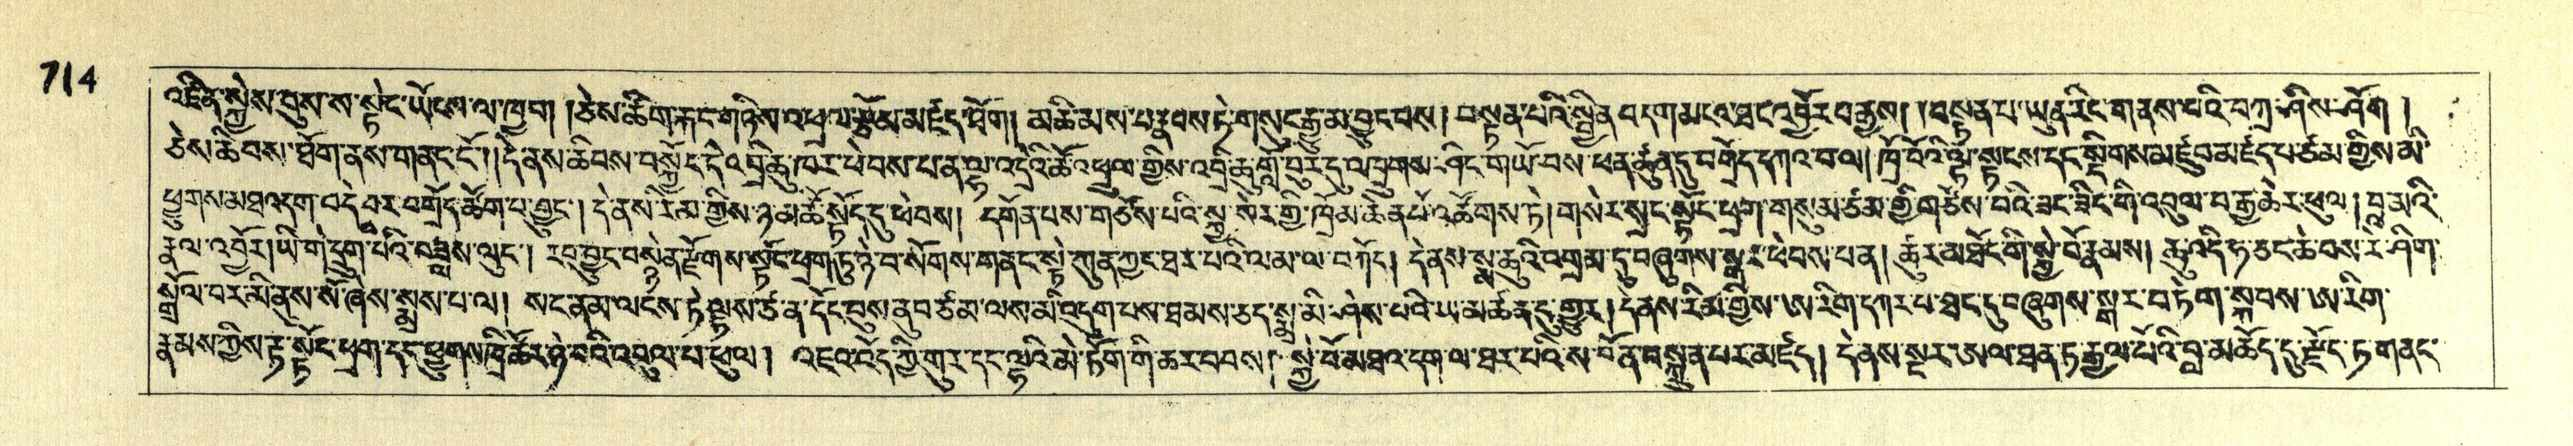འཛིན་སྐྱེས་བུས་ས་སྟེང་ཡོངས་ལ་ཁྱབ། །ཅེས་ཚིག་རྐང་གཉིས་འཕྲལ་རྩོམ་མཛད་ཐོག། མཆི་མས་བརྣབས་ཏེ་གསུང་རྒྱུ་མ་བྱུང་བས། བསྟན་པའི་སྦྱིན་བདག་མངའ་ཐང་འབྱོར་བརྒྱས། །བསྟན་པ་ཡུན་རིང་གནས་པའི་བཀྲ་ཤིས་ཤོག །
ཅེས་ཆིབས་ཐོག་ནས་གནང་ངོ། །དེ་ནས་ཆིབས་བསྐྱོང་དེ་འབྲི་ཆུ་ཁར་ཕེབས་པ་ན་ལྷ་འདྲེའི་ཚོ་འཕྲུལ་གྱིས་འབྲི་ཆུ་གློ་བུར་དུ་འཁྲུགས་ཤིང་གཡོ་བས་ཕན་ཚུན་དུ་བགྲོད་དཀའ་བ་ལ། ཁྲོ་བོའི་ལྟ་སྟངས་དང་སྡིགས་མཛུབ་མཛད་པ་ཙམ་གྱིས་མི་
ཕྱུགས་མཐའ་དག་བདེ་བར་བགྲོད་ཚོག་པ་བྱུང་། དེ་ནས་རིམ་གྱིས་ཉ་མཚོ་སྟོད་དུ་ཕེབས། དགོན་པས་གཙོས་པའི་སྐྱ་སེར་གྱི་ཁྲོམ་ཆེན་པོ་འཚོགས་ཏེ། གསེར་སྲང་སྟོང་ཕྲག་གསུམ་ཙམ་གྱི་གཙོས་བའི་ཟང་ཟིང་གི་འབུལ་བ་རྒྱ་ཆེར་ཕུལ། བླ་མའི་
རྣལ་འབྱོར། ཡི་གེ་དྲུག་པའི་བཟླས་ལུང་། རབ་བྱུང་བསྙེན་རྫོགས་སྟོང་ཕྲག་ཏུ་ཉེ་བ་སོགས་གནང་སྟེ་ཀུན་ཀྱང་ཐར་པའི་ལམ་ལ་བཀོད། དེ་ནས་སྨ་ཆུའི་འགྲམ་དུ་བཞུགས་སྒར་ཕེབས་པ་ན། ཚུར་མཐོང་གི་སྐྱེ་བོ་རྣམས། ཆུ་འདི་ཧ་ཅང་ཆེ་བས་རེ་ཤིག་
སྒྲོལ་བར་མི་ནུས་སོ་ཞེས་སྨྲས་པ་ལ། སང་ནམ་ལངས་ཏེ་ལྷས་ཙ་ན་དོང་བུས་ནུབ་ཙམ་ལས་མི་འདུག་པས་ཐམས་ཅད་སྨྲ་མི་ཤེས་པའི་ཡ་མཚན་དུ་གྱུར། དེ་ནས་རིམ་གྱིས་ཨ་རིག་དཀར་པ་ཐང་དུ་བཞུགས་སྒར་བཏེག་སྐབས་ཨ་རིག་
རྣམས་ཀྱིས་རྟ་སྟོང་ཕྲག་དང་ཕྱུགས་ཁྲི་ཚོར་ཉེ་བའི་འབུལ་པ་ཕུལ། འཇའ་འོད་ཀྱི་གུར་དང་ལྷའི་མེ་ཏོག་གི་ཆར་བབས། སྐྱེ་བོ་མཐའ་དག་ལ་ཐར་པའི་ས་བོན་བསྐྲུན་པར་མཛད། དེ་ནས་སྔར་ཨལ་ཐན་ཏ་རྒྱལ་པོའི་བླ་མཆོད་དུ་རྫོང་ཏ་གནད་